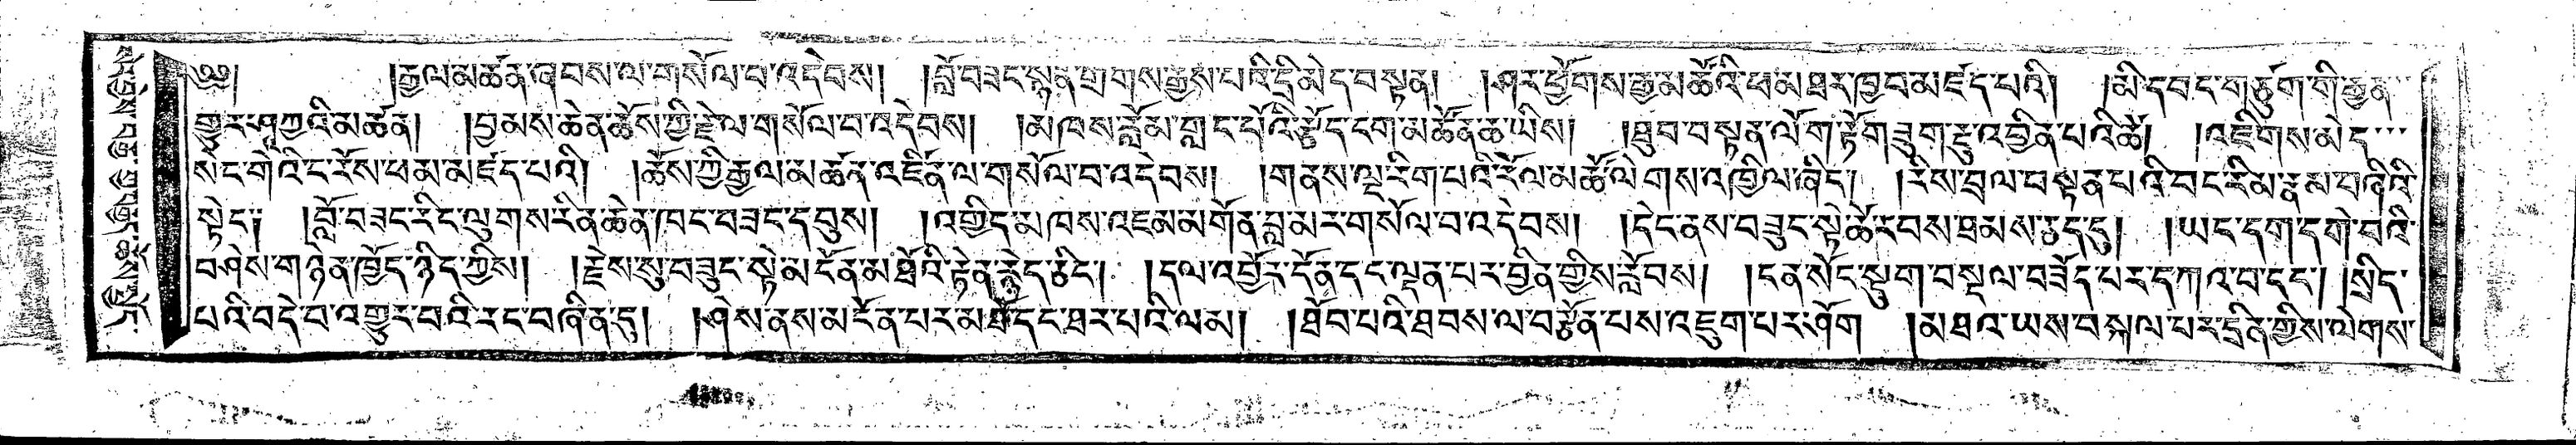༄༅། །རྒྱལ་མཚན་ཞབས་ལ་གསོལ་བ་འདེབས། །བློ་བཟང་སྙན་གྲགས་རྒྱས་པའི་དྲི་མེད་བསྟན། །ཤར་ཕྱོགས་རྒྱ་མཚོའི་ཕ་མཐར་ཁྱབ་མཛད་པའི། །མི་དབང་གཙུག་གི་རྒྱན་
གྱུར་ཤཱཀྱའི་མཚན། །བྱམས་ཆེན་ཆོས་ཀྱི་རྗེ་ལ་གསོལ་བ་འདེབས། །མཁས་རློམ་གླང་པོའི་རྩོད་ངག་མཚོན་ཆ་ཡིས། །ཐུབ་བསྟན་ལོག་རྟོག་གཟུག་རྡུ་འབྱིན་པའི་ཚེ། །འཇིགས་མེད་
སེང་གེའི་ང་རོས་ཕམ་མཛད་པའི། །ཆོས་ཀྱི་རྒྱལ་མཚན་འཛིན་ལ་གསོལ་བ་འདེབས། །གནས་ལྔ་རིག་པའི་རོལ་མཚོ་ལེགས་འཁྱིལ་ཞིང་། །རིས་བྲལ་བསྟན་པའི་བང་རིམ་རྣམ་བཞིའི་
སྟེང༑ །བློ་བཟང་རིང་ལུགས་རིན་ཆེན་ཁང་བཟང་དབུས། །འགྱིད་མཁས་འཇམ་མགོན་བླ་མར་གསོལ་བ་འདེབས། །དེང་ནས་བཟུང་སྟེ་ཚེ་རབས་ཐམས་ཅད་དུ། །ཡང་དག་དགེ་བའི་
བཤེས་གཉེན་ཁྱོད་ཉིད་ཀྱིས། །རྗེས་སུ་བཟུང་སྟེ་མངོན་མཐོའི་རྟེན་རྙེད་ཅིང་། །དལ་འབྱོར་དོན་དང་ལྡན་པར་བྱིན་གྱིས་རློབས། །ངན་སོང་སྡུག་བསྔལ་བཟོད་པར་དཀའ་བ་དང་། །སྲིད་
པའི་བདེ་བ་འགྱུར་པའི་རང་བཞིན་དུ། །ཤེས་ནས་མངོན་པར་མཐོ་དང་ཐར་པའི་ལམ། །ཐོབ་པའི་ཐབས་ལ་བརྩོན་པས་འཇུག་པར་ཤོག །མཐའ་ཡས་བསྐལ་པར་དྲིན་གྱིས་ལེགས་